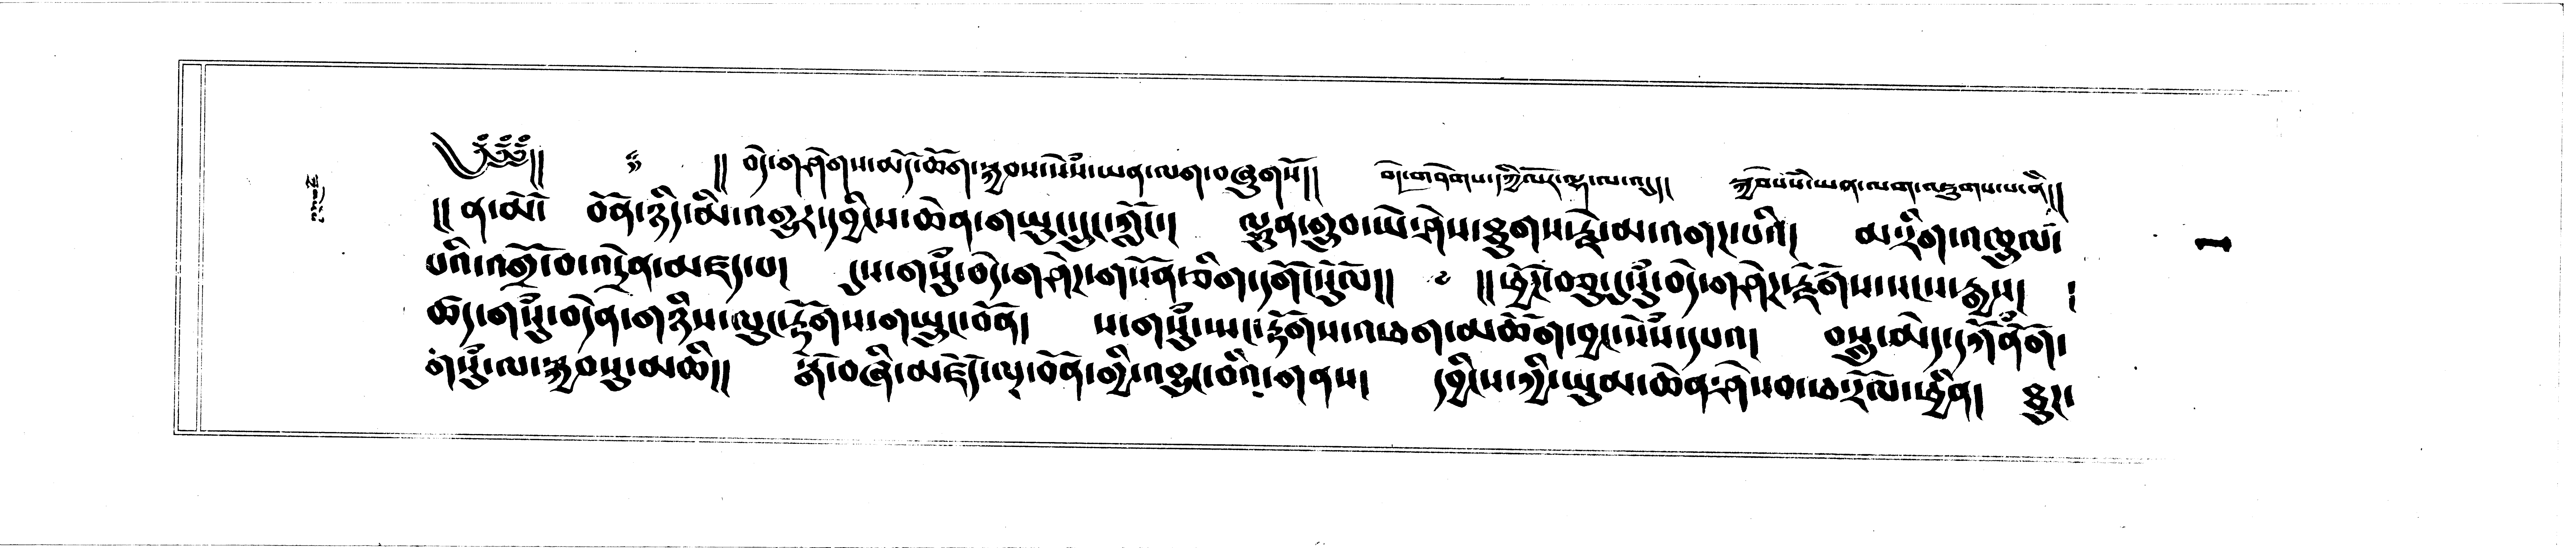བདེ་གཤེགས་མདོ་ཆོག་སྐྱབས་སེམས་ཡན་ལག་བཞུགས་སོ། །བདེ་གཤེགས་དཀྱིལ་འཁོར་ལྷ་ལ་འདུད། །སྐྱབས་སེམས་ཡན་ལག་འཇུག་པ་ནི། 
ན་མོ། བོན་ཉིད་མི་འགྱུར་དབྱིངས་ཆེན་གཡུང་དྲུང་ཀློང་། །ལྷུན་གྲུབ་ཡེ་ཤེས་ཐུགས་རྗེ་མ་འགག་པའི། །མ་རིག་འཁྲུལ་
པའི་འགྲོ་བ་འདྲེན་མཛད་པ། །དུས་གསུམ་བདེ་གཤེགས་གསོན་ཅིག་དགོངས་སུ་གསོལ། །ཕྱོགས་བཅུ་དུས་གསུམ་བདེར་གཤེགས་རྫོགས་སངས་རྒྱས། 
།ཚད་གསུམ་བདེན་གཉིས་ལུང་རྟོགས་གཡུང་དྲུང་བོན། །ས་གསུམ་སྤང་རྟོགས་འཕགས་མཆོག་བྱང་སེམས་དཔའ། །བསླུ་མེད་དཀོན་མཆོག་
གསུམ་ལ་སྐྱབས་སུ་མཆི། །སྒོ་བཞི་མཛོད་ལྔ་བོན་གྱི་འབྱུང་བའི་གནས། །དབྱིངས་ཀྱི་ཡུམ་ཆེན་ཤེས་རབ་ཕ་རོལ་ཕྱིན། །ཐུགས་